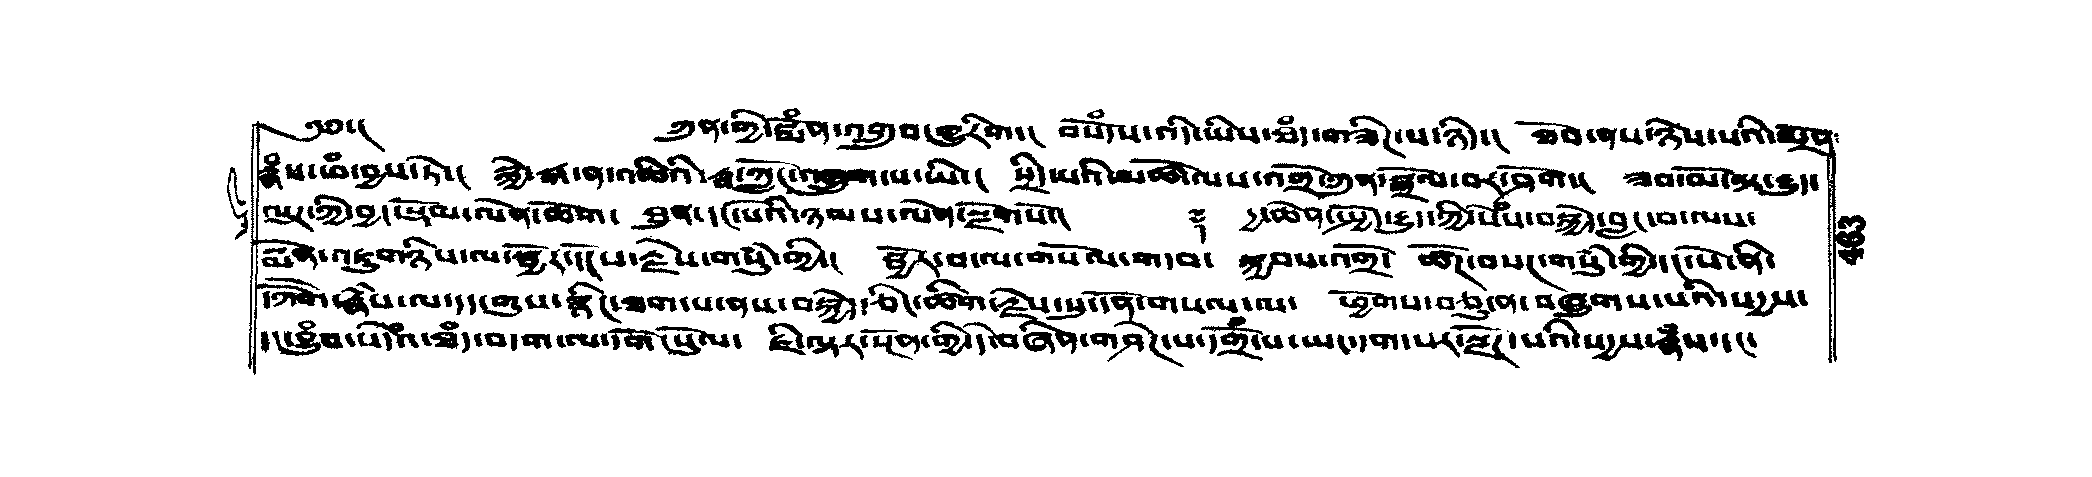ཀུན་གྱི་སྨོན་ལམ་འགྲུབ་གྱུར་ཅིག་།བསོད་ནམས་འདི་ཡིས་ཐམས་ཅད་གཟིགས་པ་ཉིད། །ཐོབ་ནས་རྙེད་པའི་དགྲ་
རྣམས་ཕམ་བྱས་ཏེ། །སྐྱེ་རྒ་ན་འཆིའི་རྦ་ཀློང་འཁྲུག་པ་ཡི། །སྲིད་པའི་མཚོ་ལས་འགྲོ་ཀུན་སྒྲོལ་བར་ཤོག་། ཟབ་མོ་ལྟ་རྒྱུད་
ལུགས་ཀྱི་བྱང་སྡོམ་ལེན་ཆོག་ཐུན་དང་པོའི་ཉམས་ལེན་རྫོགས་སོ། ༈ རྒྱ་ཆེན་སྤྱོད་ཀྱི་སེམས་བསྐྱེད་བླང་བ་ལས། 
སྨོན་འཇུག་གཉིས་ལ་སྦྱོར་དངོས་རྗེས་གསུམ་གྱི། སྦྱོར་བ་ལ་གསོལ་གདབ། སྐྱབས་འགྲོ་ཚོགས་བསགས་གསུམ་གྱི་དང་པོ་ནི། 
དཀོན་མཆོག་རྣམས་ལ་དད་གུས་སྙིང་ཐག་པ་ནས་བསྐྱེད་ཅིང་ཚིག་རྗེས་སུ་དོན་གསལ་ལ། ཕྱོགས་བཅུ་ན་བཞུགས་པའི་སངས་རྒྱས་
དང་བྱང་ཆུབ་སེམས་དཔའ་ཐམས་ཅད་བདག་ལ་དགོངས་སུ་གསོལ། ཇི་ལྟར་སྔོན་གྱི་བདེ་བཞིན་བཤེགས་པ་དགྲ་བཅོམ་པ་ཡང་དག་པར་རྫོགས་པའི་སངས་རྒྱས་དང་